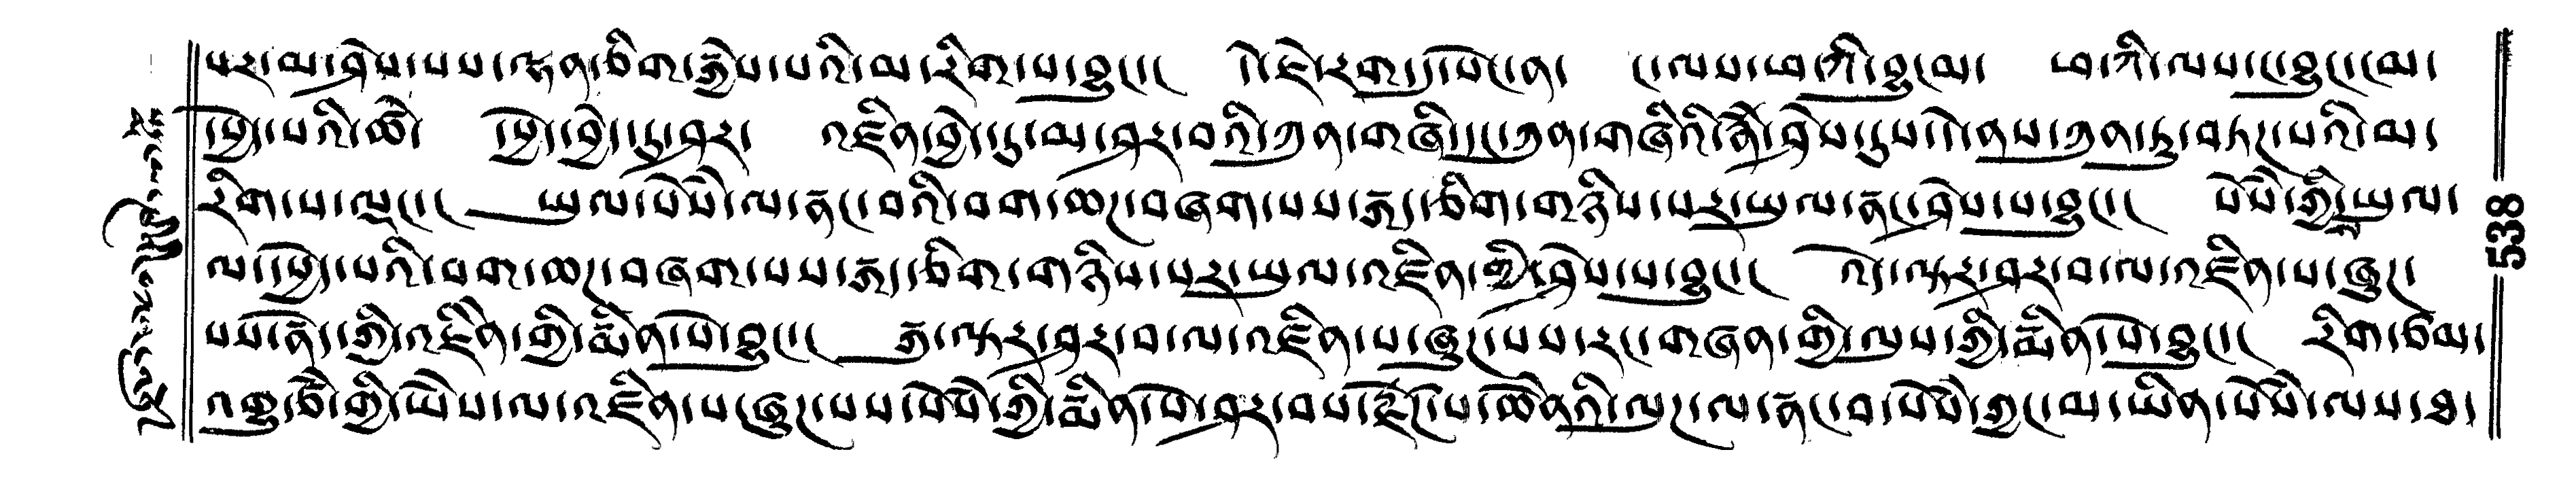པར་མ་ཤེས་པས་ལྷན་ཅིག་སྐྱེས་པའི་མ་རིག་པ་བྱུང་། དེ་ཇེ་རགས་སུ་སོང་ན། ང་ལས་ཕ་ཀི་བྱུང་ངམ། ཕ་ཀི་ལས་ང་བྱུང་ངམ་
དཔྱོད་པའི་ཚེ། དཔྱོད་བྱེད་དུ་ཤར། འཛིན་བྱེད་དུ་མ་ཤར་བའི་ཀུན་གཞི་དང་ཀུན་གཞིའི་རྣམ་ཤེས་དུས་དེ་ནས་ཀུན་ཏུ་བཏགས་པའི་མ་
རིག་པ་ལྡང་། ཡུལ་སེམས་ལ་སྣང་བའི་བག་ཆགས་བཞག་པས་སྐད་ཅིག་གཉིས་པར་ཡུལ་སྣང་ཤེས་པ་བྱུང་། སེམས་ཀྱིས་ཡུལ་
ལ་དཔྱོད་པའི་བག་ཆགས་བཞག་པས་སྐད་ཅིག་གཉིས་པར་ཡུལ་འཛིན་གྱི་ཤེས་པ་བྱུང་། འོད་ལྟར་ཤར་བ་ལ་འཛིན་པ་ཞུགས་
པས་སྣོད་ཀྱི་འཇིག་རྟེན་གྱི་སྨིན་པོ་བྱུང་། སྐུ་ལྟར་ཤར་བ་ལ་འཛིན་པ་ཞུགས་པས་རང་གཞན་གྱི་ལུས་ཀྱི་སྨིན་པོ་བྱུང་། རིག་ཙམ་
འགྱུ་ཙམ་གྱི་ཡེ་ཤེས་ལ་འཛིན་པ་ཞུགས་པས་སེམས་ཀྱི་སྨིན་པོ་ཤར་བས་རྫོགས་པ་ཆེན་པོའི་ལུགས་ལ་སྣང་བ་སེམས་ཀྱང་མ་ཡིན། སེམས་ལས་ཐ་